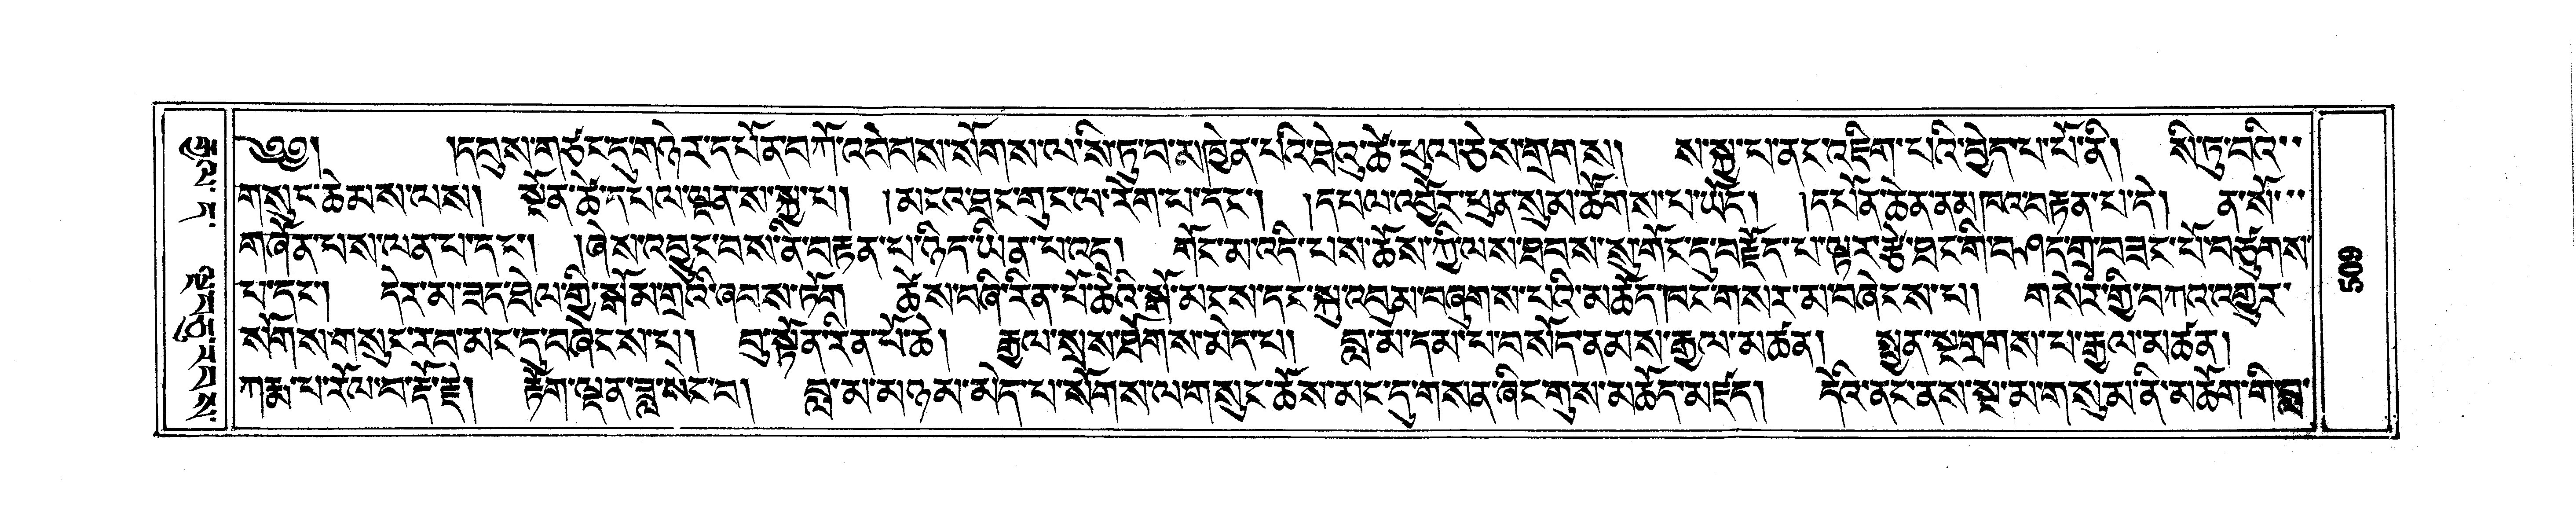༄༅། །དབུས་གཙང་དུ་གཉེར་དཔོན་བཀོ་འབེབས་སོགས་ལ་སི་ཏུ་བ་མཁྱེན་པའི་ཐེའུ་ཚེ་ཕུལ་ཅེས་གྲགས། ས་སྐྱ་པ་ནང་འཇིག་པའི་བྱེད་པ་པོ་ནི། སི་ཏུ་བའི་
གསུང་ཆེམས་ལས། སྔོན་ཚེ་དཔལ་ལྡན་ས་སྐྱ་པ། །མངའ་ཐང་གུང་ལ་རེག་པ་དང་། །དཔལ་འབྱོར་ཕུན་སུམ་ཚོགས་པ་ཡོད། །དཔོན་ཆེན་ནམཁའ་བརྟན་པ་དེ། ན་སོ་
གཞོན་པས་ལན་པ་དང་། །ཞེས་འབྱུང་བས་ནི་བརྟན་པ་ཉིད་ཡིན་པ་འདྲ། གོང་མ་འདི་པས་ཆོས་ཀྱི་ལས་ཐབས་སུ་གོང་དུ་བརྗོད་པ་ལྟར་རྩེ་ཐང་གི་བཤད་གྲྭ་བཟང་པོ་བཙུགས་
པ་དང་། དེར་མ་ཟད་ཐེལ་གྱི་སྒོམ་གྲའི་ཞབས་ཏོག་ཚེས་བཞི་རིན་པོ་ཆེའི་སྒོ་མངས་དང་སྐུ་འབུམ་བཞུགས་པའི་མཆོད་ཁང་གསར་མ་བཞེངས་པ། གསེར་གྱི་བཀའ་འགྱུར་
སོགས་གསུང་རབ་མང་དུ་བཞེངས་པ། བུ་སྟོན་རིན་པོ་ཆེ། རྒྱལ་སྲས་ཐོགས་མེད་པ། བླ་མ་དམ་པ་བསོད་ནམས་རྒྱལ་མཚན། སྤྱན་སྔ་གྲགས་པ་རྒྱལ་མཚན།
ཀརྨ་པ་རོལ་བ་རྡོ་རྗེ། རྟོག་ལྡན་ཟླ་སེང་བ། བླ་མ་མཉམ་མེད་པ་སོགས་ལ་གསུང་ཆོས་མང་དུ་གསན་ཞིང་གུས་མཆོད་མཛད། དེའི་ནང་ནས་སྔ་མ་གསུམ་ནི་མཆོག་གི་བླ་